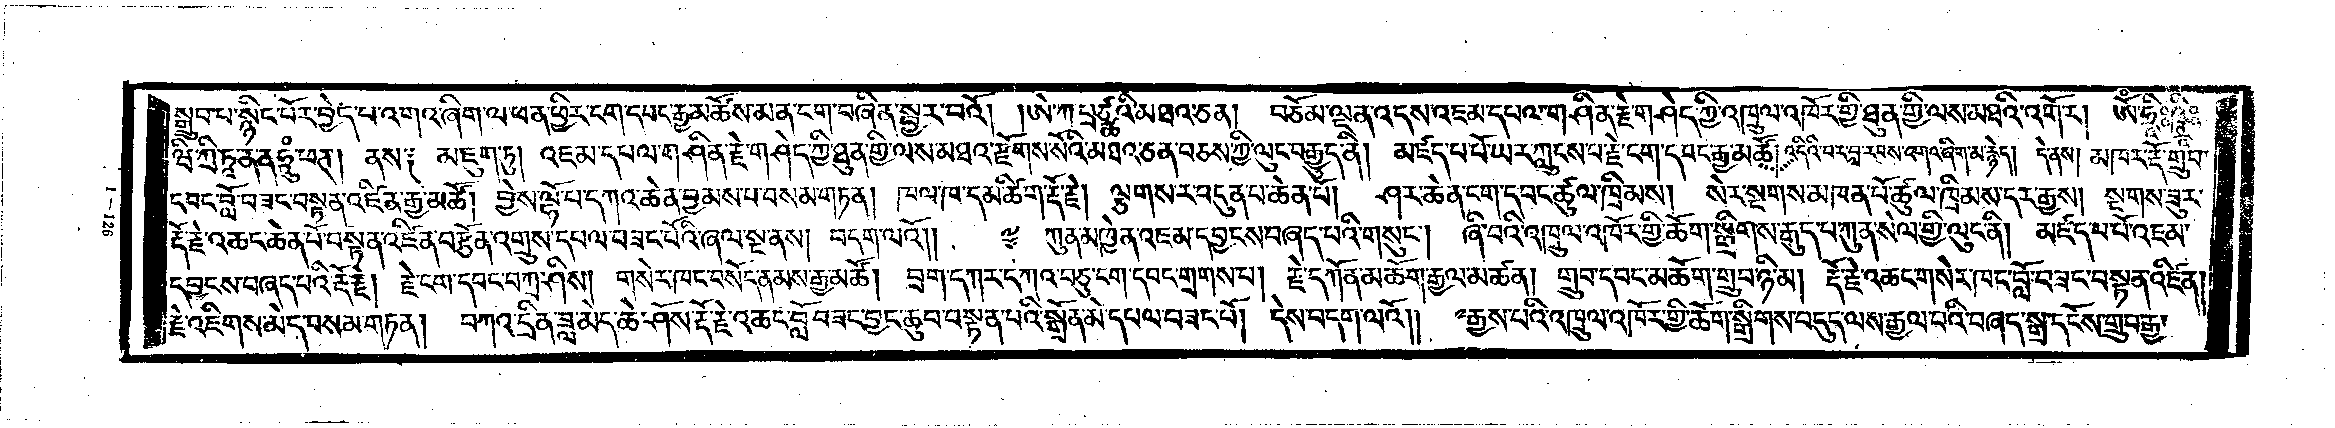སྒྲུབ་པ་སྙིང་པོར་བྱེད་པ་འགའ་ཞིག་ལ་ཕན་ཕྱིར་ངག་དཔང་རྒྱ་མཚོས་མན་ངག་བཞིན་སྦྱར་བའོ། །ཨེ་ཀ་པྲཙྪའི་མཐའ་ཅན། བཅོམ་ལྡན་འདས་འཇམ་དཔལ་གཤིན་རྗེ་གཤེད་ཀྱི་འཁྲུལ་འཁོར་གྱི་ཐུན་གྱི་ལས་མཐའི་འགོར། ཨོཾ་ཧྲཱིཿ ཥྚྲཱིཿ
ཝི་ཀྲི་ཏཱ་ན་ན་ཧཱུཾ་ཕཌ། ནས༑ མཇུག་ཏུ། འཇམ་དཔལ་གཤིན་རྗེ་གཤེད་ཀྱི་ཐུན་གྱི་ལས་མཐའ་རྫོགས་སོའི་མཐའ་ཅན་བཅས་ཀྱི་ལུང་བརྒྱུད་ནི། མཛད་པ་པོ་ཡར་ཀླུངས་པ་རྗེ་ངག་དབང་རྒྱ་མཚོ། འདིའི་བར་བླ་རབས་འགའ་ཞིག་མ་རྙེད། །དེ་ནས།  མཁར་རྡོ་གྲུབ་
དབང་བློ་བཟང་བསྟན་འཛིན་རྒྱ་མཚོ། བྱེས་ལྷོ་པ་དཀའ་ཆེན་བྱམས་པ་བསམ་གཏན། ཁལ་ཁ་དམ་ཚིག་རྡོ་རྗེ། ལྕགས་ར་བདུན་པ་ཆེན་པོ། ཤར་ཆེན་ངག་དབང་ཚུལ་ཁྲིམས། སེར་སྔགས་མཁན་པོ་ཚུལ་ཁྲིམས་དར་རྒྱས། སྔགས་ཟུར་
རྡོ་རྗེ་འཆང་ཆེན་པོ་བསྟན་འཛིན་བརྩོན་འགྲུས་དཔལ་བཟང་པོའི་ཞལ་སྔ་ནས། བདག་ལའོ།། ༈ ཀུན་མཁྱེན་འཇམ་དབྱངས་བཞད་པའི་གསུང་། ཞི་བའི་འཁྲུལ་འཁོར་གྱི་ཆོག་སྒྲིགས་རྒུད་པ་ཀུན་སེལ་གྱི་ལུང་ནི། མཛད་པ་པོ་འཇམ་
དབྱངས་བཞད་པའི་རྡོ་རྗེ། རྗེ་ངག་དབང་བཀྲ་ཤིས། གསེར་ཁང་བསོད་ནམས་རྒྱ་མཚོ། བྲག་དཀར་དཀའ་བཅུ་ངག་དབང་གྲགས་པ། རྗེ་དཀོན་མཆོག་རྒྱལ་མཚན། གྲུབ་དབང་མཆོག་གྲུབ་ཉི་མ། རྡོ་རྗེ་འཆང་གསེར་ཁང་བློ་བཟང་བསྟན་འཛིན།
རྗེ་འཇིགས་མེད་བསམ་གཏན། བཀའ་དྲིན་ཟླ་མེད་ཆེ་ཤོས་རྡོ་རྗེ་འཆང་བློ་བཟང་བྱང་ཆུབ་བསྟན་པའི་སྒྲོན་མེ་དཔལ་བཟང་པོ། དེས་བདག་ལའོ།། ༈ རྒྱས་པའི་འཁྲུལ་འཁོར་གྱི་ཆོ་ག་སྒྲིགས་བདུད་ལས་རྒྱལ་བའི་བཞད་སྒྲ་དངོས་གྲུབ་རྒྱ་